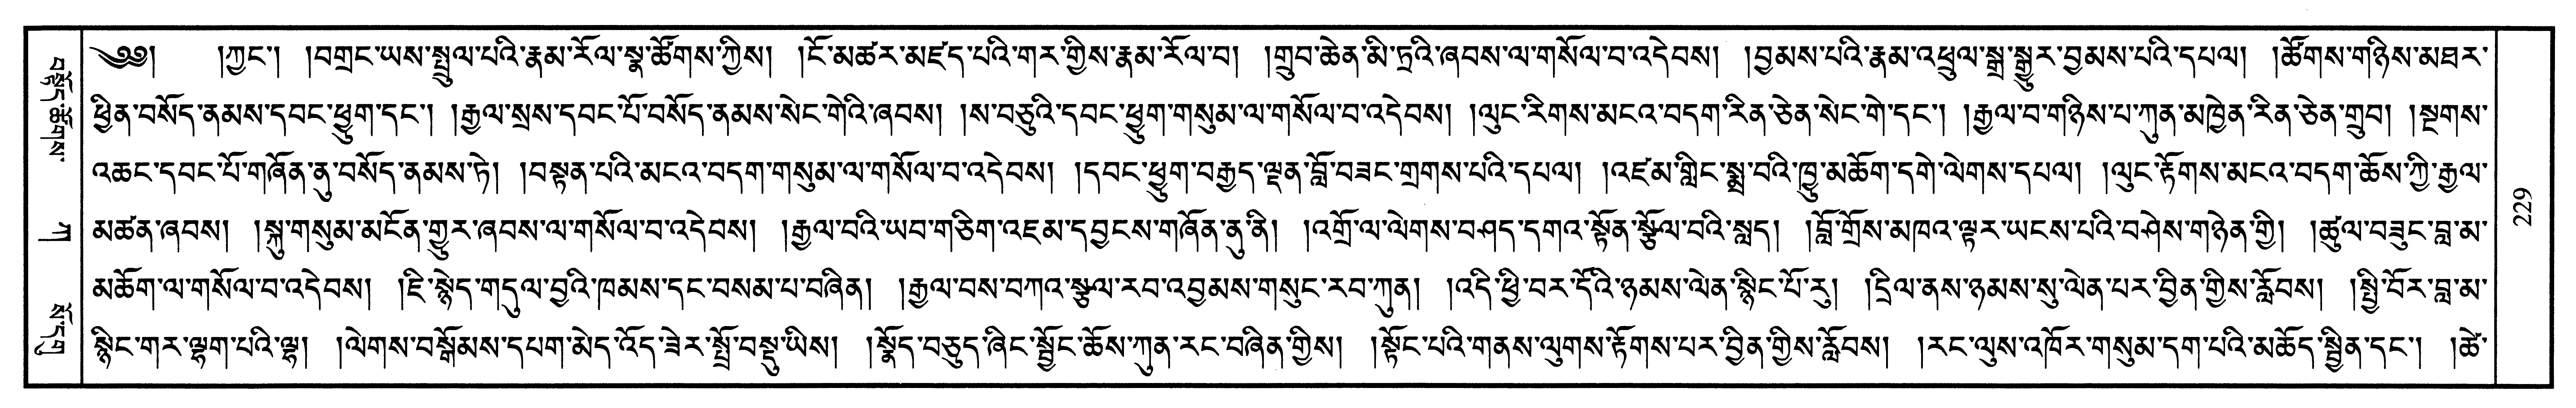༄༅། །ཀྱང་། །བགྲང་ཡས་སྤྲུལ་པའི་རྣམ་རོལ་སྣ་ཚོགས་ཀྱིས། །ངོ་མཚར་མཛད་པའི་གར་གྱིས་རྣམ་རོལ་བ། །གྲུབ་ཆེན་མི་ཏྲའི་ཞབས་ལ་གསོལ་བ་འདེབས། །བྱམས་པའི་རྣམ་འཕྲུལ་སྒྲ་སྒྱུར་བྱམས་པའི་དཔལ། །ཚོགས་གཉིས་མཐར་
ཕྱིན་བསོད་ནམས་དབང་ཕྱུག་དང་། །རྒྱལ་སྲས་དབང་པོ་བསོད་ནམས་སེང་གེའི་ཞབས། །ས་བཅུའི་དབང་ཕྱུག་གསུམ་ལ་གསོལ་བ་འདེབས། །ལུང་རིགས་མངའ་བདག་རིན་ཅེན་སེང་གེ་དང་། །རྒྱལ་བ་གཉིས་པ་ཀུན་མཁྱེན་རིན་ཅེན་གྲུབ། །སྔགས་
འཆང་དབང་པོ་གཞོན་ནུ་བསོད་ནམས་ཏེ། །བསྟན་པའི་མངའ་བདག་གསུམ་ལ་གསོལ་བ་འདེབས། །དབང་ཕྱུག་བརྒྱད་ལྡན་བློ་བཟང་གྲགས་པའི་དཔལ། །འཛམ་གླིང་སྨྲ་བའི་ཁྱུ་མཆོག་དགེ་ལེགས་དཔལ། །ལུང་རྟོགས་མངའ་བདག་ཆོས་ཀྱི་རྒྱལ་
མཚན་ཞབས། །སྐུ་གསུམ་མངོན་གྱུར་ཞབས་ལ་གསོལ་བ་འདེབས། །རྒྱལ་བའི་ཡབ་གཅིག་འཇམ་དབྱངས་གཞོན་ནུ་ནི། །འགྲོ་ལ་ལེགས་བཤད་དགའ་སྟོན་སྩོལ་བའི་སླད། །བློ་གྲོས་མཁའ་ལྟར་ཡངས་པའི་བཤེས་གཉེན་གྱི། །ཚུལ་བཟུང་བླ་མ་
མཆོག་ལ་གསོལ་བ་འདེབས། །ཇི་སྙེད་གདུལ་བྱའི་ཁམས་དང་བསམ་པ་བཞིན། །རྒྱལ་བས་བཀའ་སྩལ་རབ་འབྱམས་གསུང་རབ་ཀུན། །འདི་ཕྱི་བར་དོའི་ཉམས་ལེན་སྙིང་པོ་རུ། །དྲིལ་ནས་ཉམས་སུ་ལེན་པར་བྱིན་གྱིས་རློབས། །སྤྱི་བོར་བླ་མ་
སྙིང་གར་ལྷག་པའི་ལྷ། །ལེགས་བསྒོམས་དཔག་མེད་འོད་ཟེར་སྤྲོ་བསྡུ་ཡིས། །སྣོད་བཅུད་ཞིང་སྦྱོང་ཆོས་ཀུན་རང་བཞིན་གྱིས། །སྟོང་པའི་གནས་ལུགས་རྟོགས་པར་བྱིན་གྱིས་རློབས། །རང་ལུས་འཁོར་གསུམ་དག་པའི་མཆོད་སྦྱིན་དང་། །ཚེ་